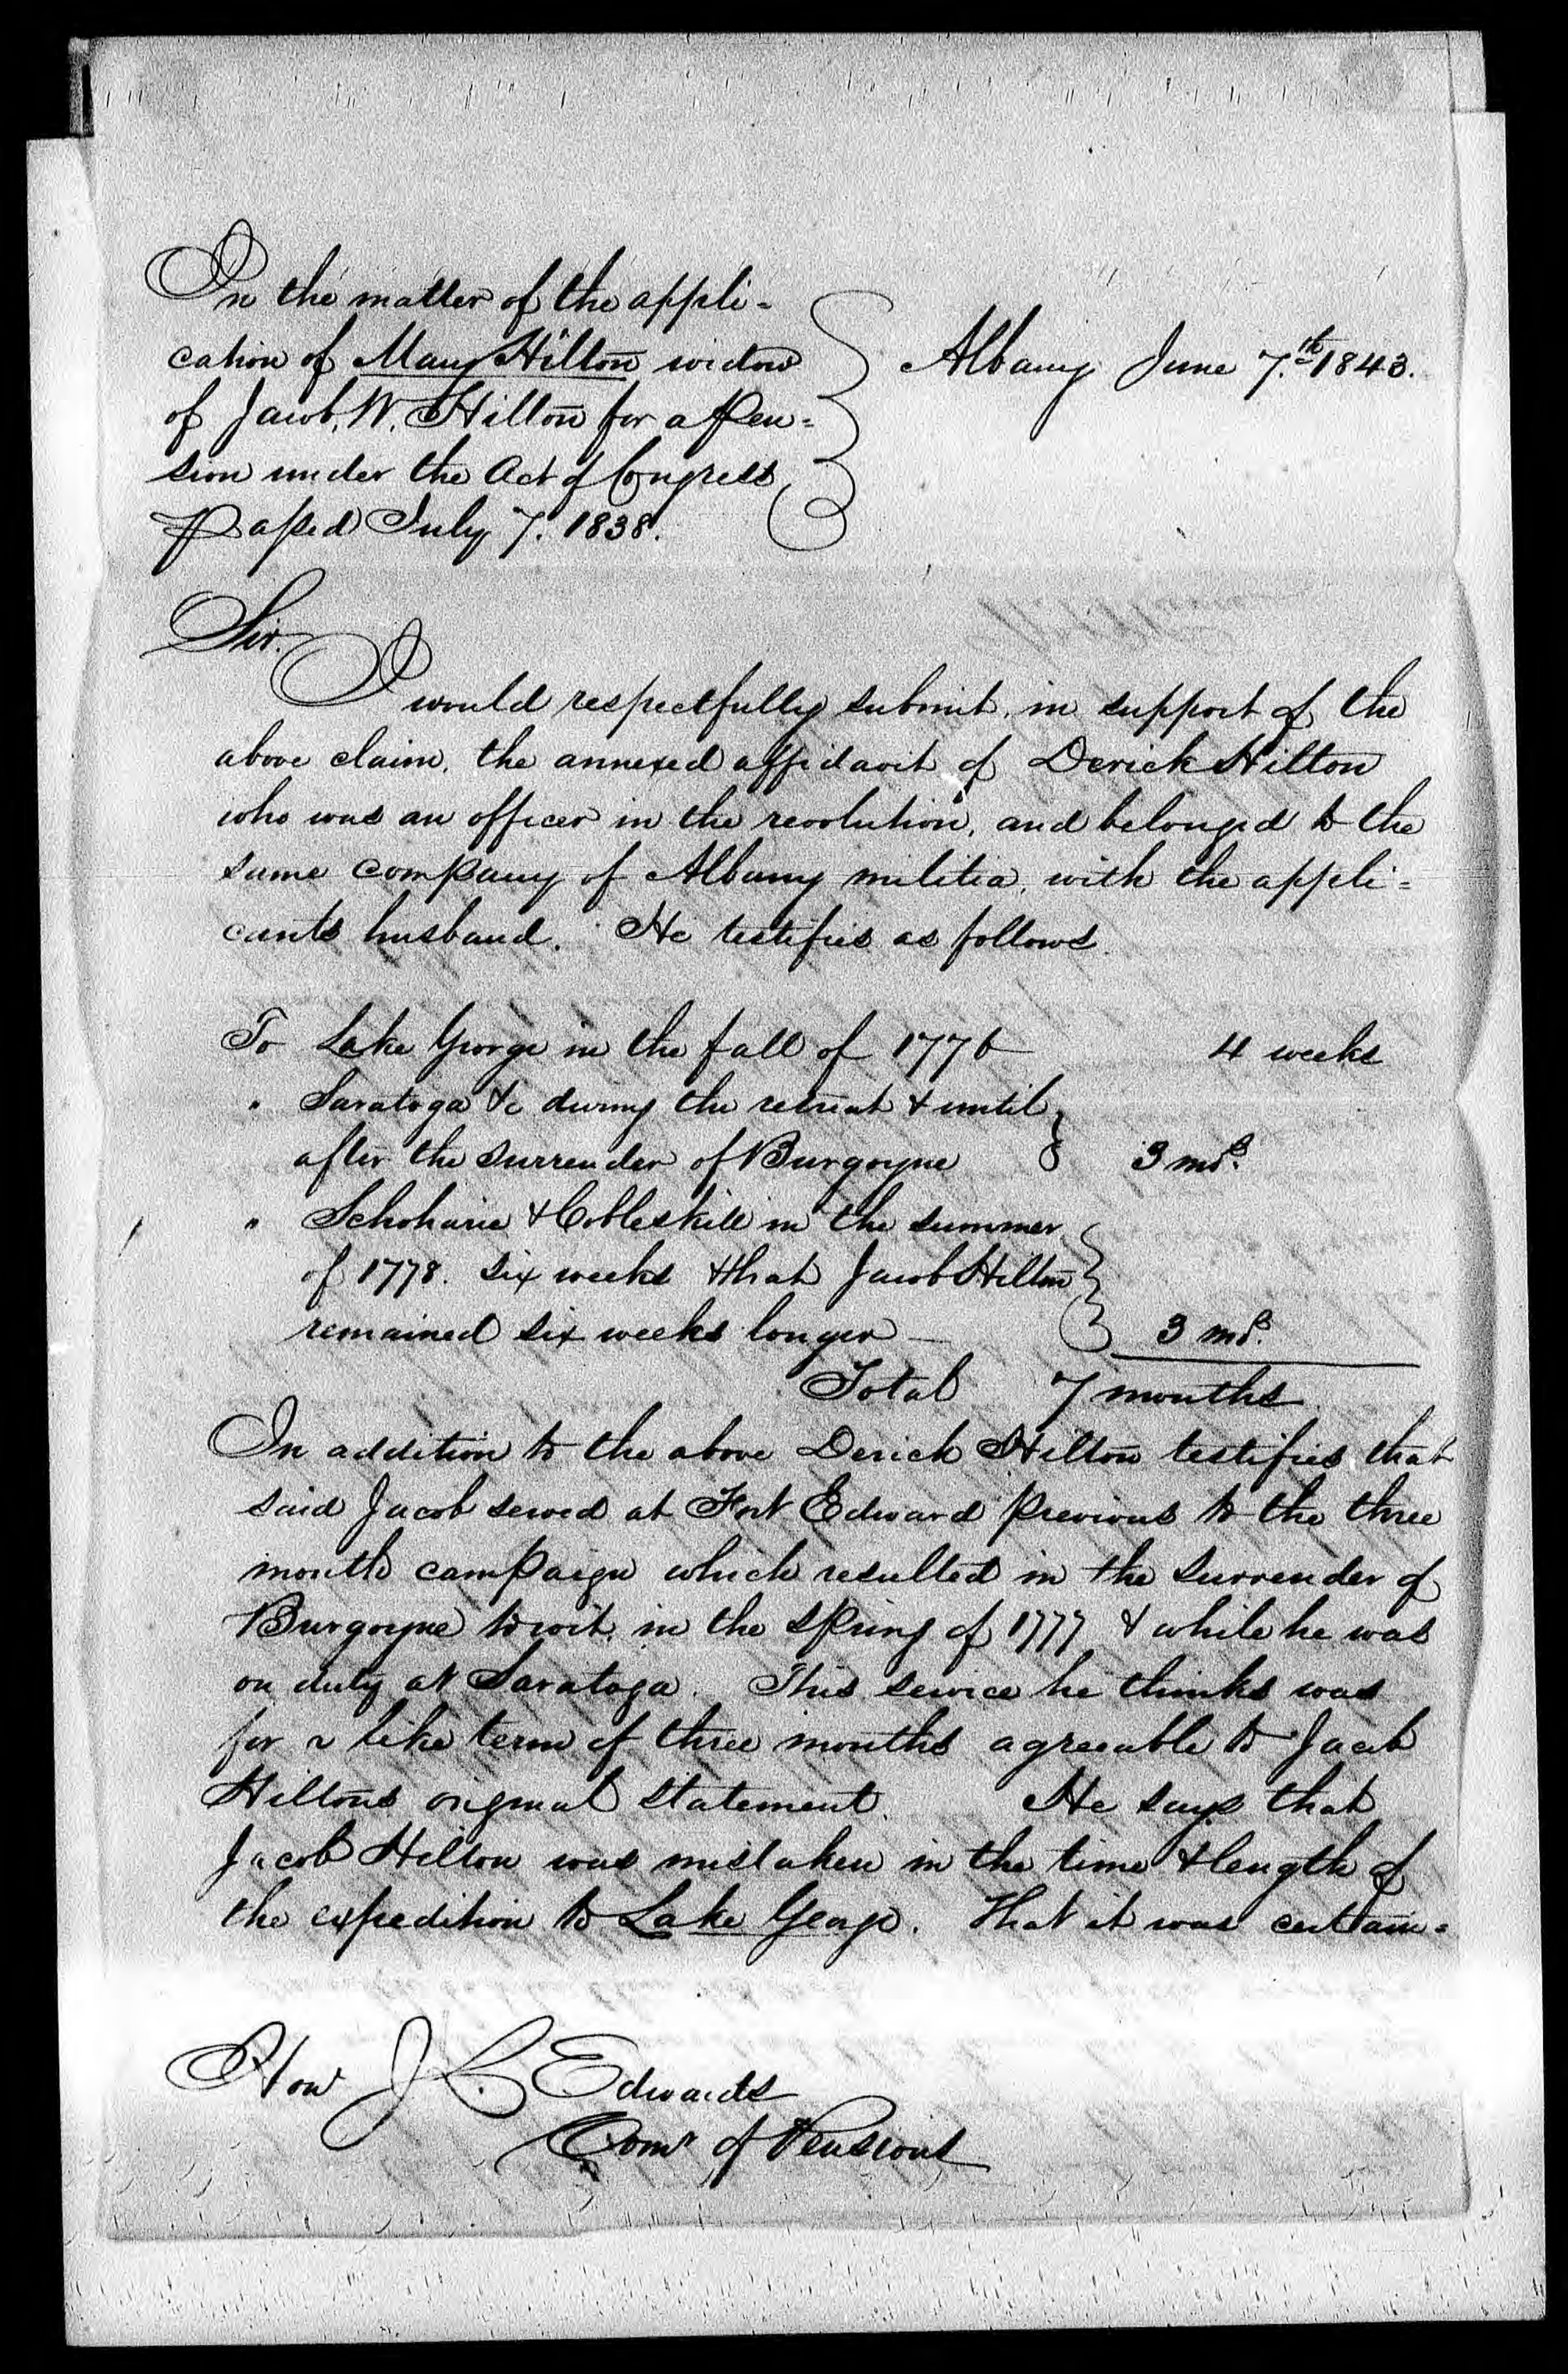In the matter of the application of Mary Hilton widow of Jacob W. Hilton for a pension under the Act of Congress passed July 7,1838.

Albany June 7th 1848

Sir, 
  I would respectfully submit in support of the above claim, the annexed affidavit of Derick Hilton who was an officer in the revolution, and belonged to the same company of Albany militia with the applicant's husband. He testifies as follows.

To Lake George in the fall of 1776   4 weeks
-Saratoga during the retreat and until after the surrender of Burgoyne 3 mos.
-Schoharie & Cobleskill in the Summer of 1778. Six weeks that Jacob Hilton remained six weeks longer___  3 mos.
Total 7 months

In addition to the above Derick Hilton testified that said Jacob served at Fort Edward previous to the three month campaign which resulted in the Surrender of Burgoyne back in the spring of 1777, & while he was on duty at Saratoga.  This service he thinks was for a like term of three months agreeable to Jacob Hilton's original statement.  He says that Jacob Hilton was mistaken in the time and length of the expedition to Lake George. That it was certain.

J L Edwards
     Com'r of Pensions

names: Jacob W Hilton, J L Edwards, Derick Hilton, Jacob Hilton, Derick Hilton, Jacob Hilton, Jacob, Mary Hilton, Jacob Hilton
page: 22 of 48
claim: widow's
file: W. 19788, Jacob W Hilton, New York